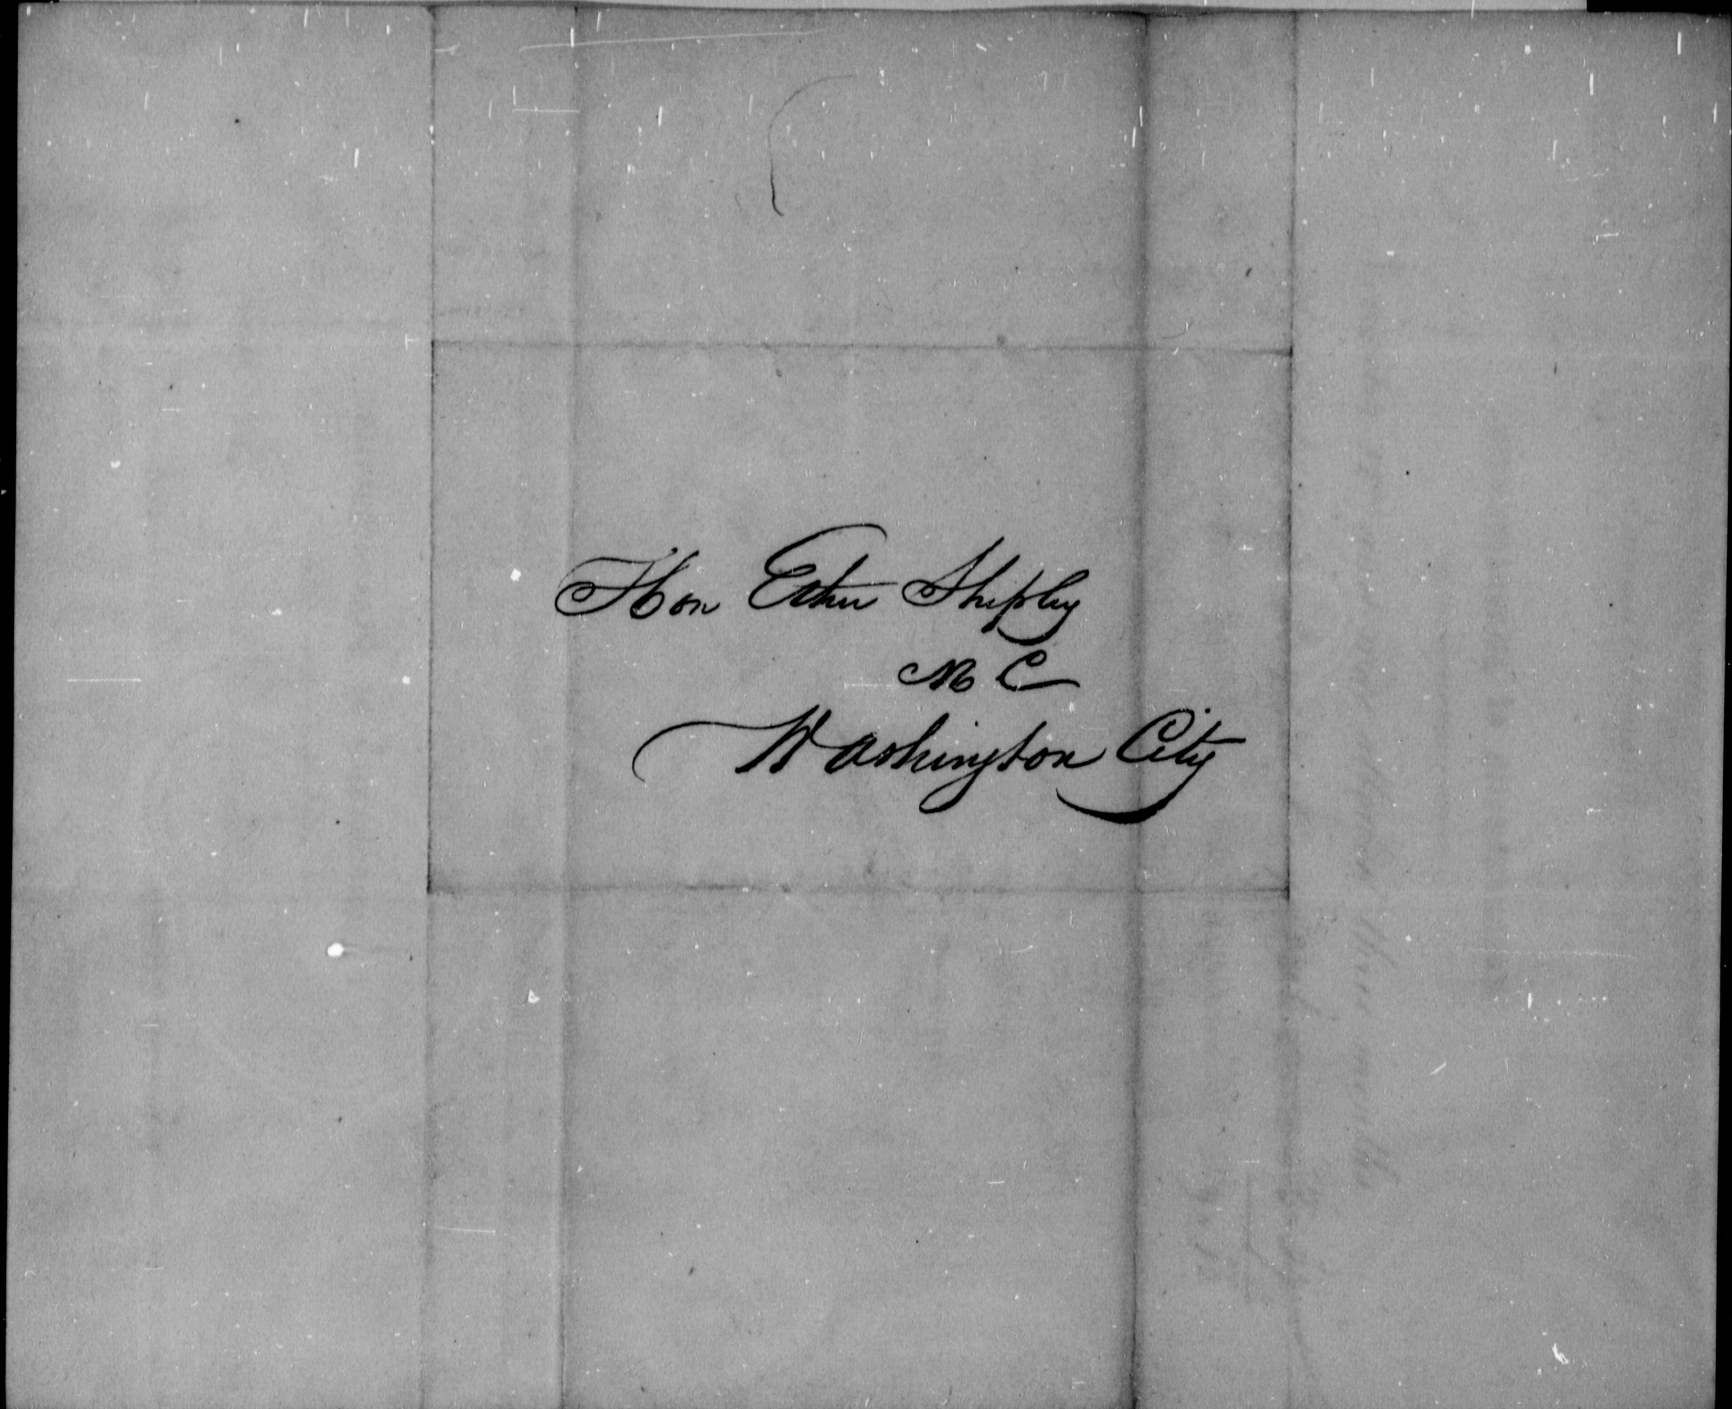Hon. Esther Shepley
N.C.
Washington City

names: Ether Shepley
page: 48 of 86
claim: survivor's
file: S 29,568, Isaac Abbot, Mass